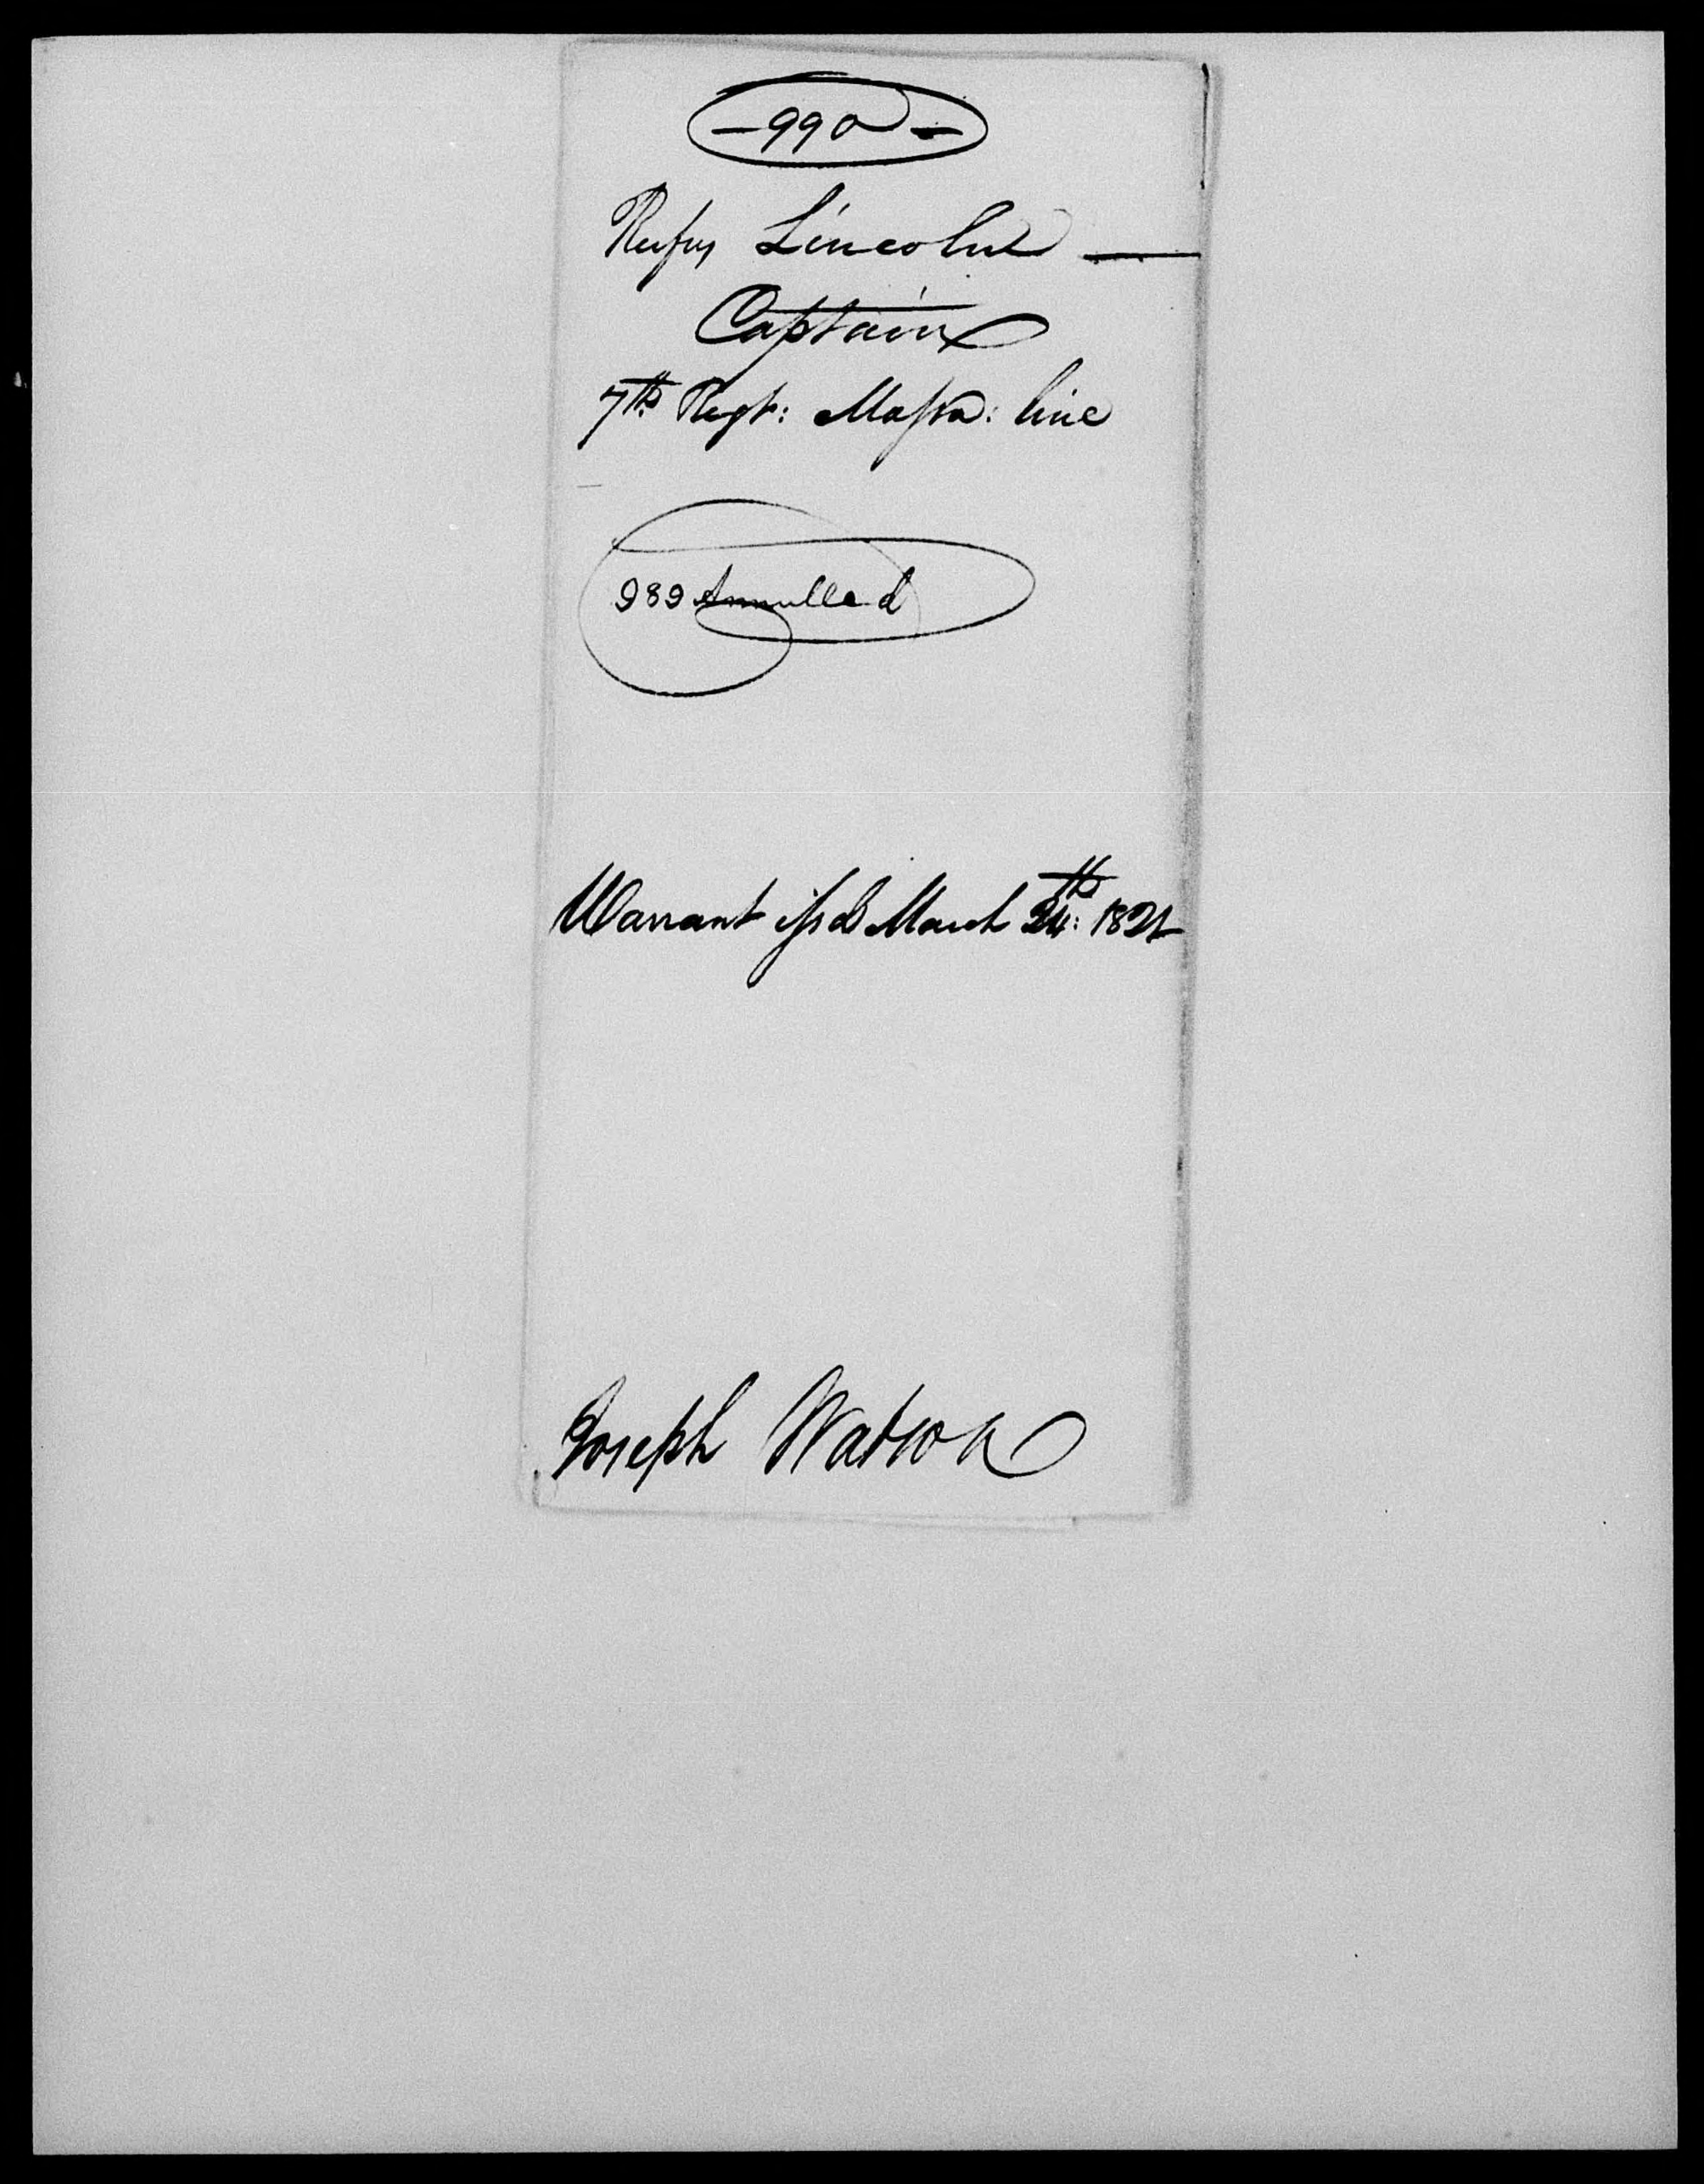990
Rufus Lincoln -
Captain
7th Regt. Massa. line
989 Annulled
Warrant issued March 24th 1821
Joseph Watson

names: Rufus Lincoln; Joseph Watson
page: 3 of 82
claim: widow's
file: W. 13,634, for Rufus Lincoln, Massachusetts